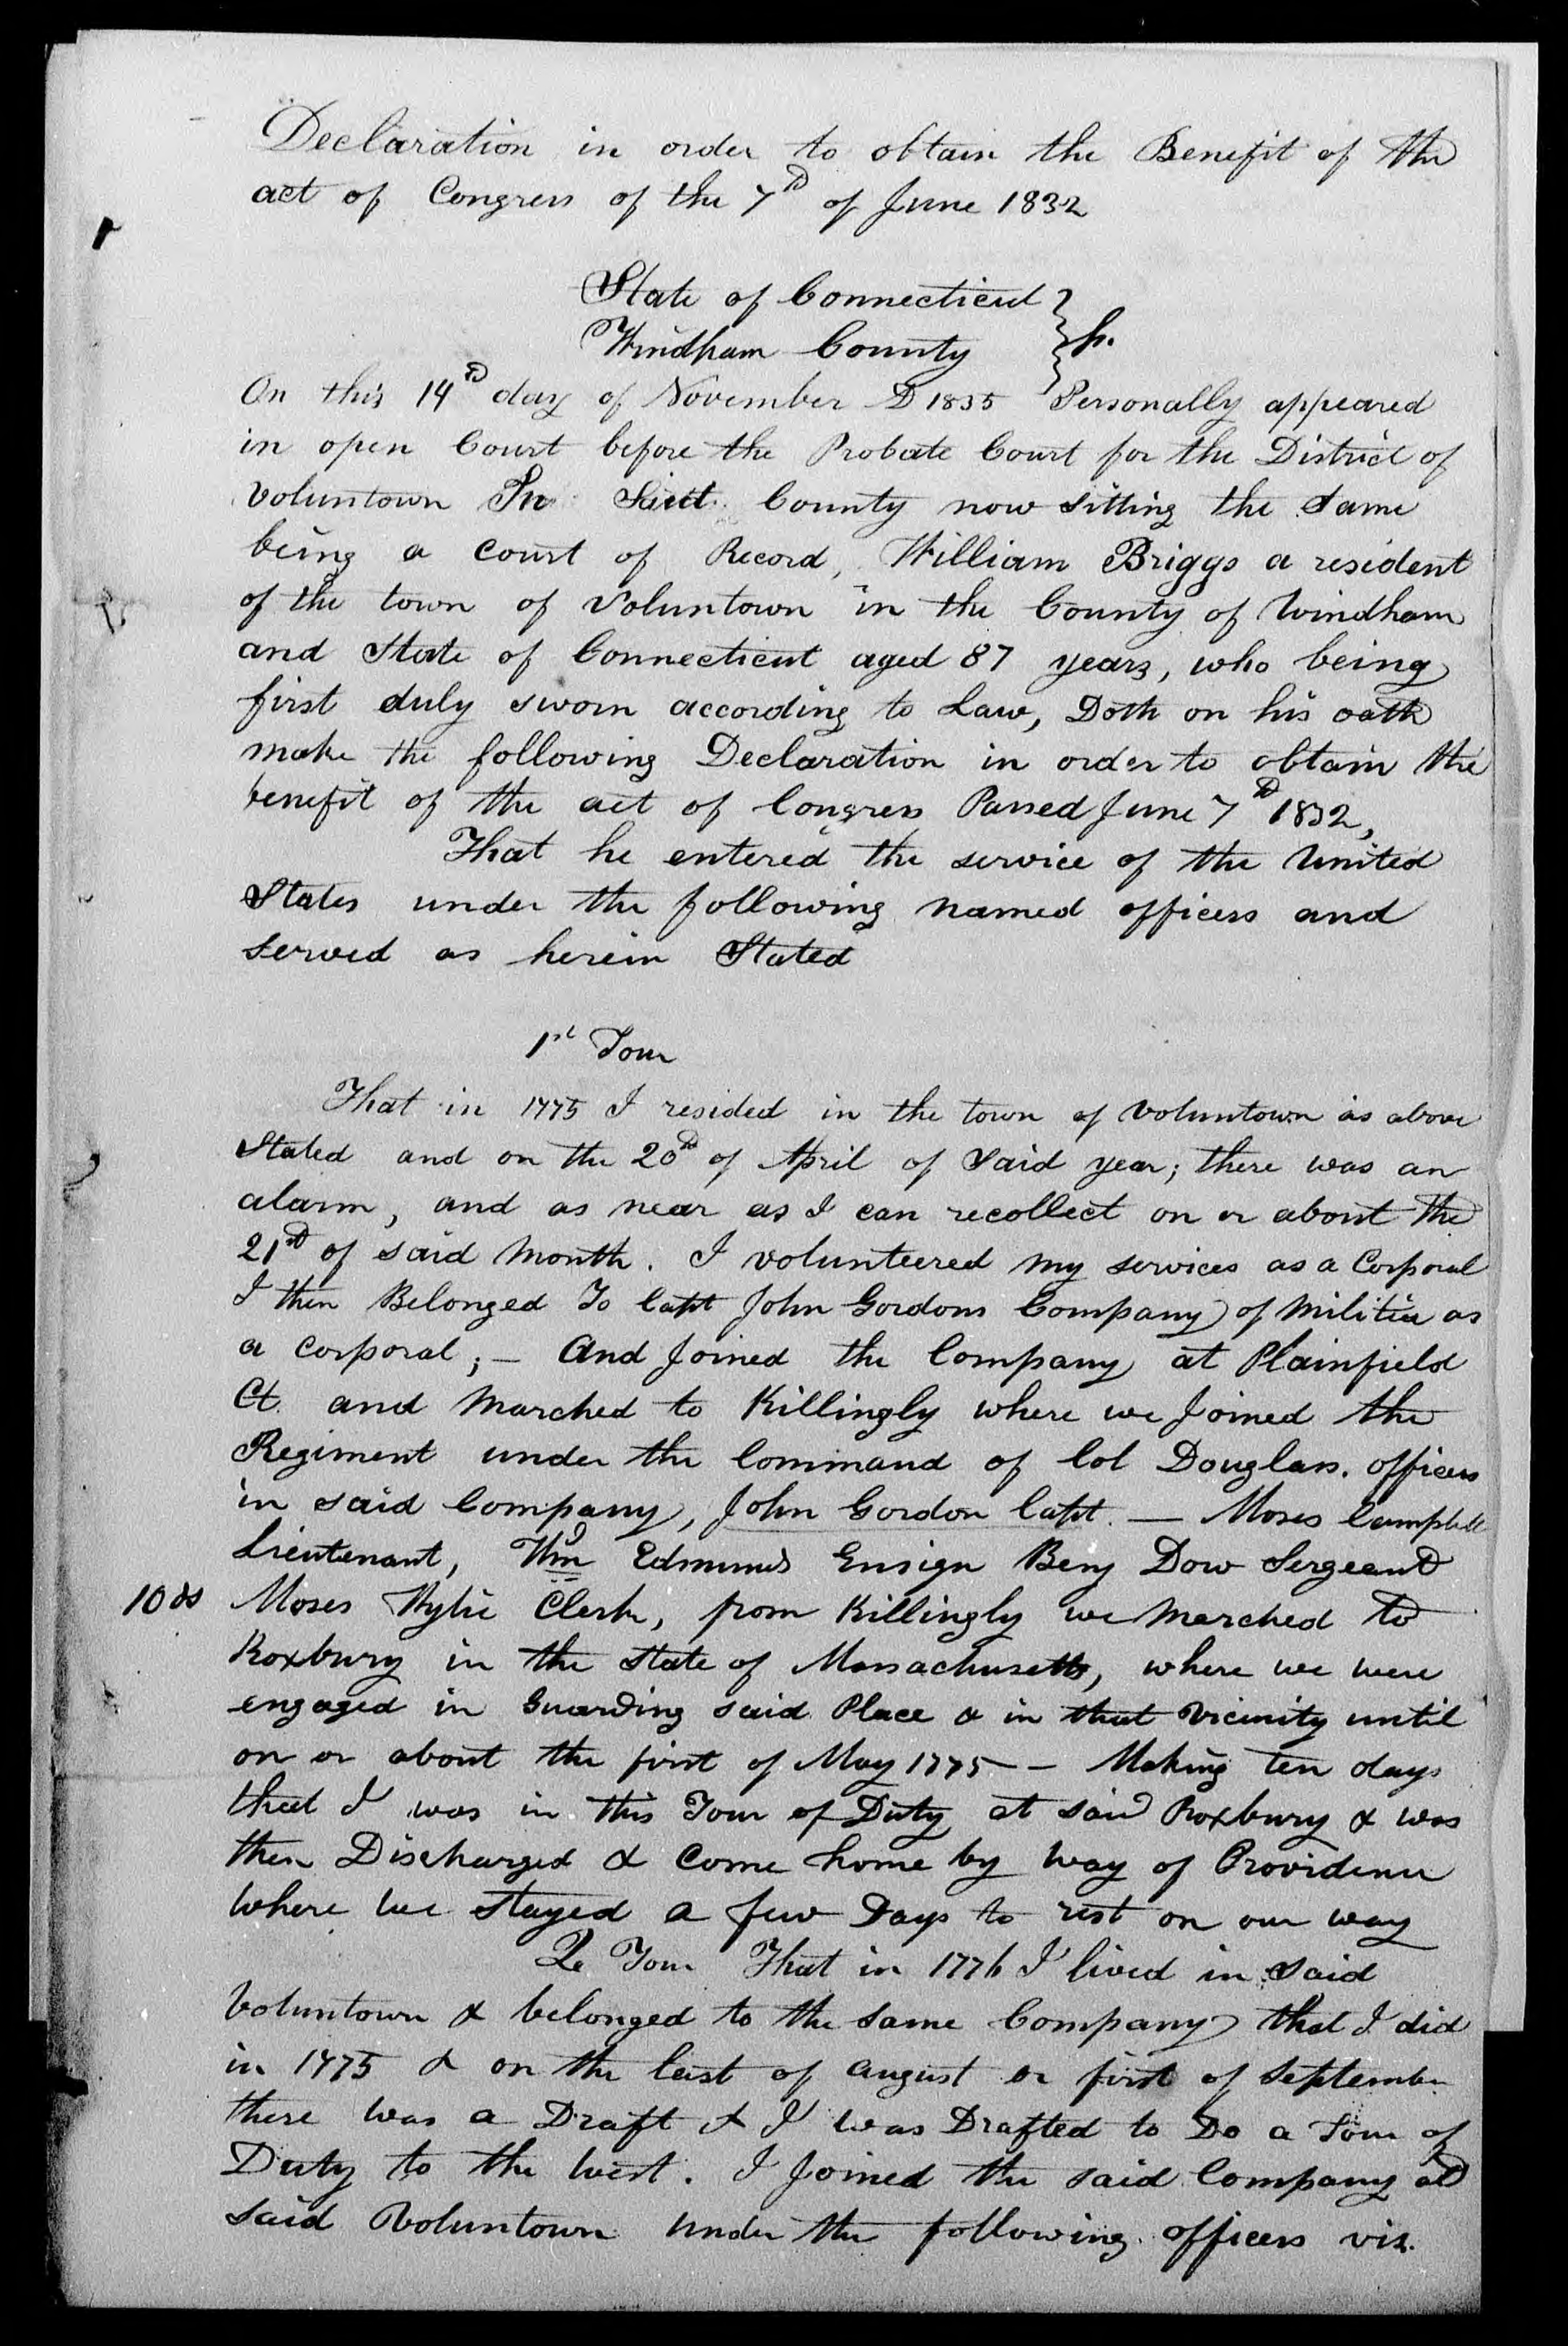Declaration in order to obtain the Benefit of the act of Congress of the 7th of June 1832 

State of Connecticut 
Windham County    Js

On this 14th day of November AD 1835 Personally appeared in open Court before the Probate Court for the District of Voluntown in said County now sitting the same being a Court of Record, William Briggs a resident of the town of Voluntown in the County of Windham and State of Connecticut aged 87 years, who being first duly sworn according to Law, Doth on his oath make the following Declaration in order to obtain the benefit of the act of Congress passed June 7th 1832.
 That he entered the service of the United States under the following named officers and served as herein Stated

1st Tour 
That in 1775 I resided in the town of Voluntown as above Stated and on the 20th of April of said year; there was an alarm, and as near as I can recollect on or about the 21st of said month. I volunteered my services as a Corporal I then Belonged to Capt John Gordons Company of Militia as a corporal;_ and joined the Company at Plainfield Ct. and marched to Killingly where we joined the Regiment under the command of Col Douglas. officers in said Company, John Gordon Capt. _ Moses Campbell Lieutenant, Wm Edmunds Ensign Benj Dow Sergeant 10ds Moses Wylie Clerk, from Killingly we marched to Roxbury in the State of Massachusetts, where we were engaged in guarding said place & in that vicinity until on or about the first of May 1775 _ Making ten days that I was in this Tour of Duty at said Roxbury & was then discharged & come home by way of Providence where we stayed a few days to rest on our way
2 Tour that in 1776 I lived in said Voluntown & belonged to the same Company that I did in 1775 & on the last of August or first of September there was a Draft & I was Drafted to do a tour of Duty to the west. I joined the said Company at said Voluntown under the following officers viz.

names: Moses Wylie, Moses Campbell, William Briggs, Wm Edmunds, Douglass, Benj Dow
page: 3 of 37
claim: survivor's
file: S. 12,281, William Briggs, Conn.